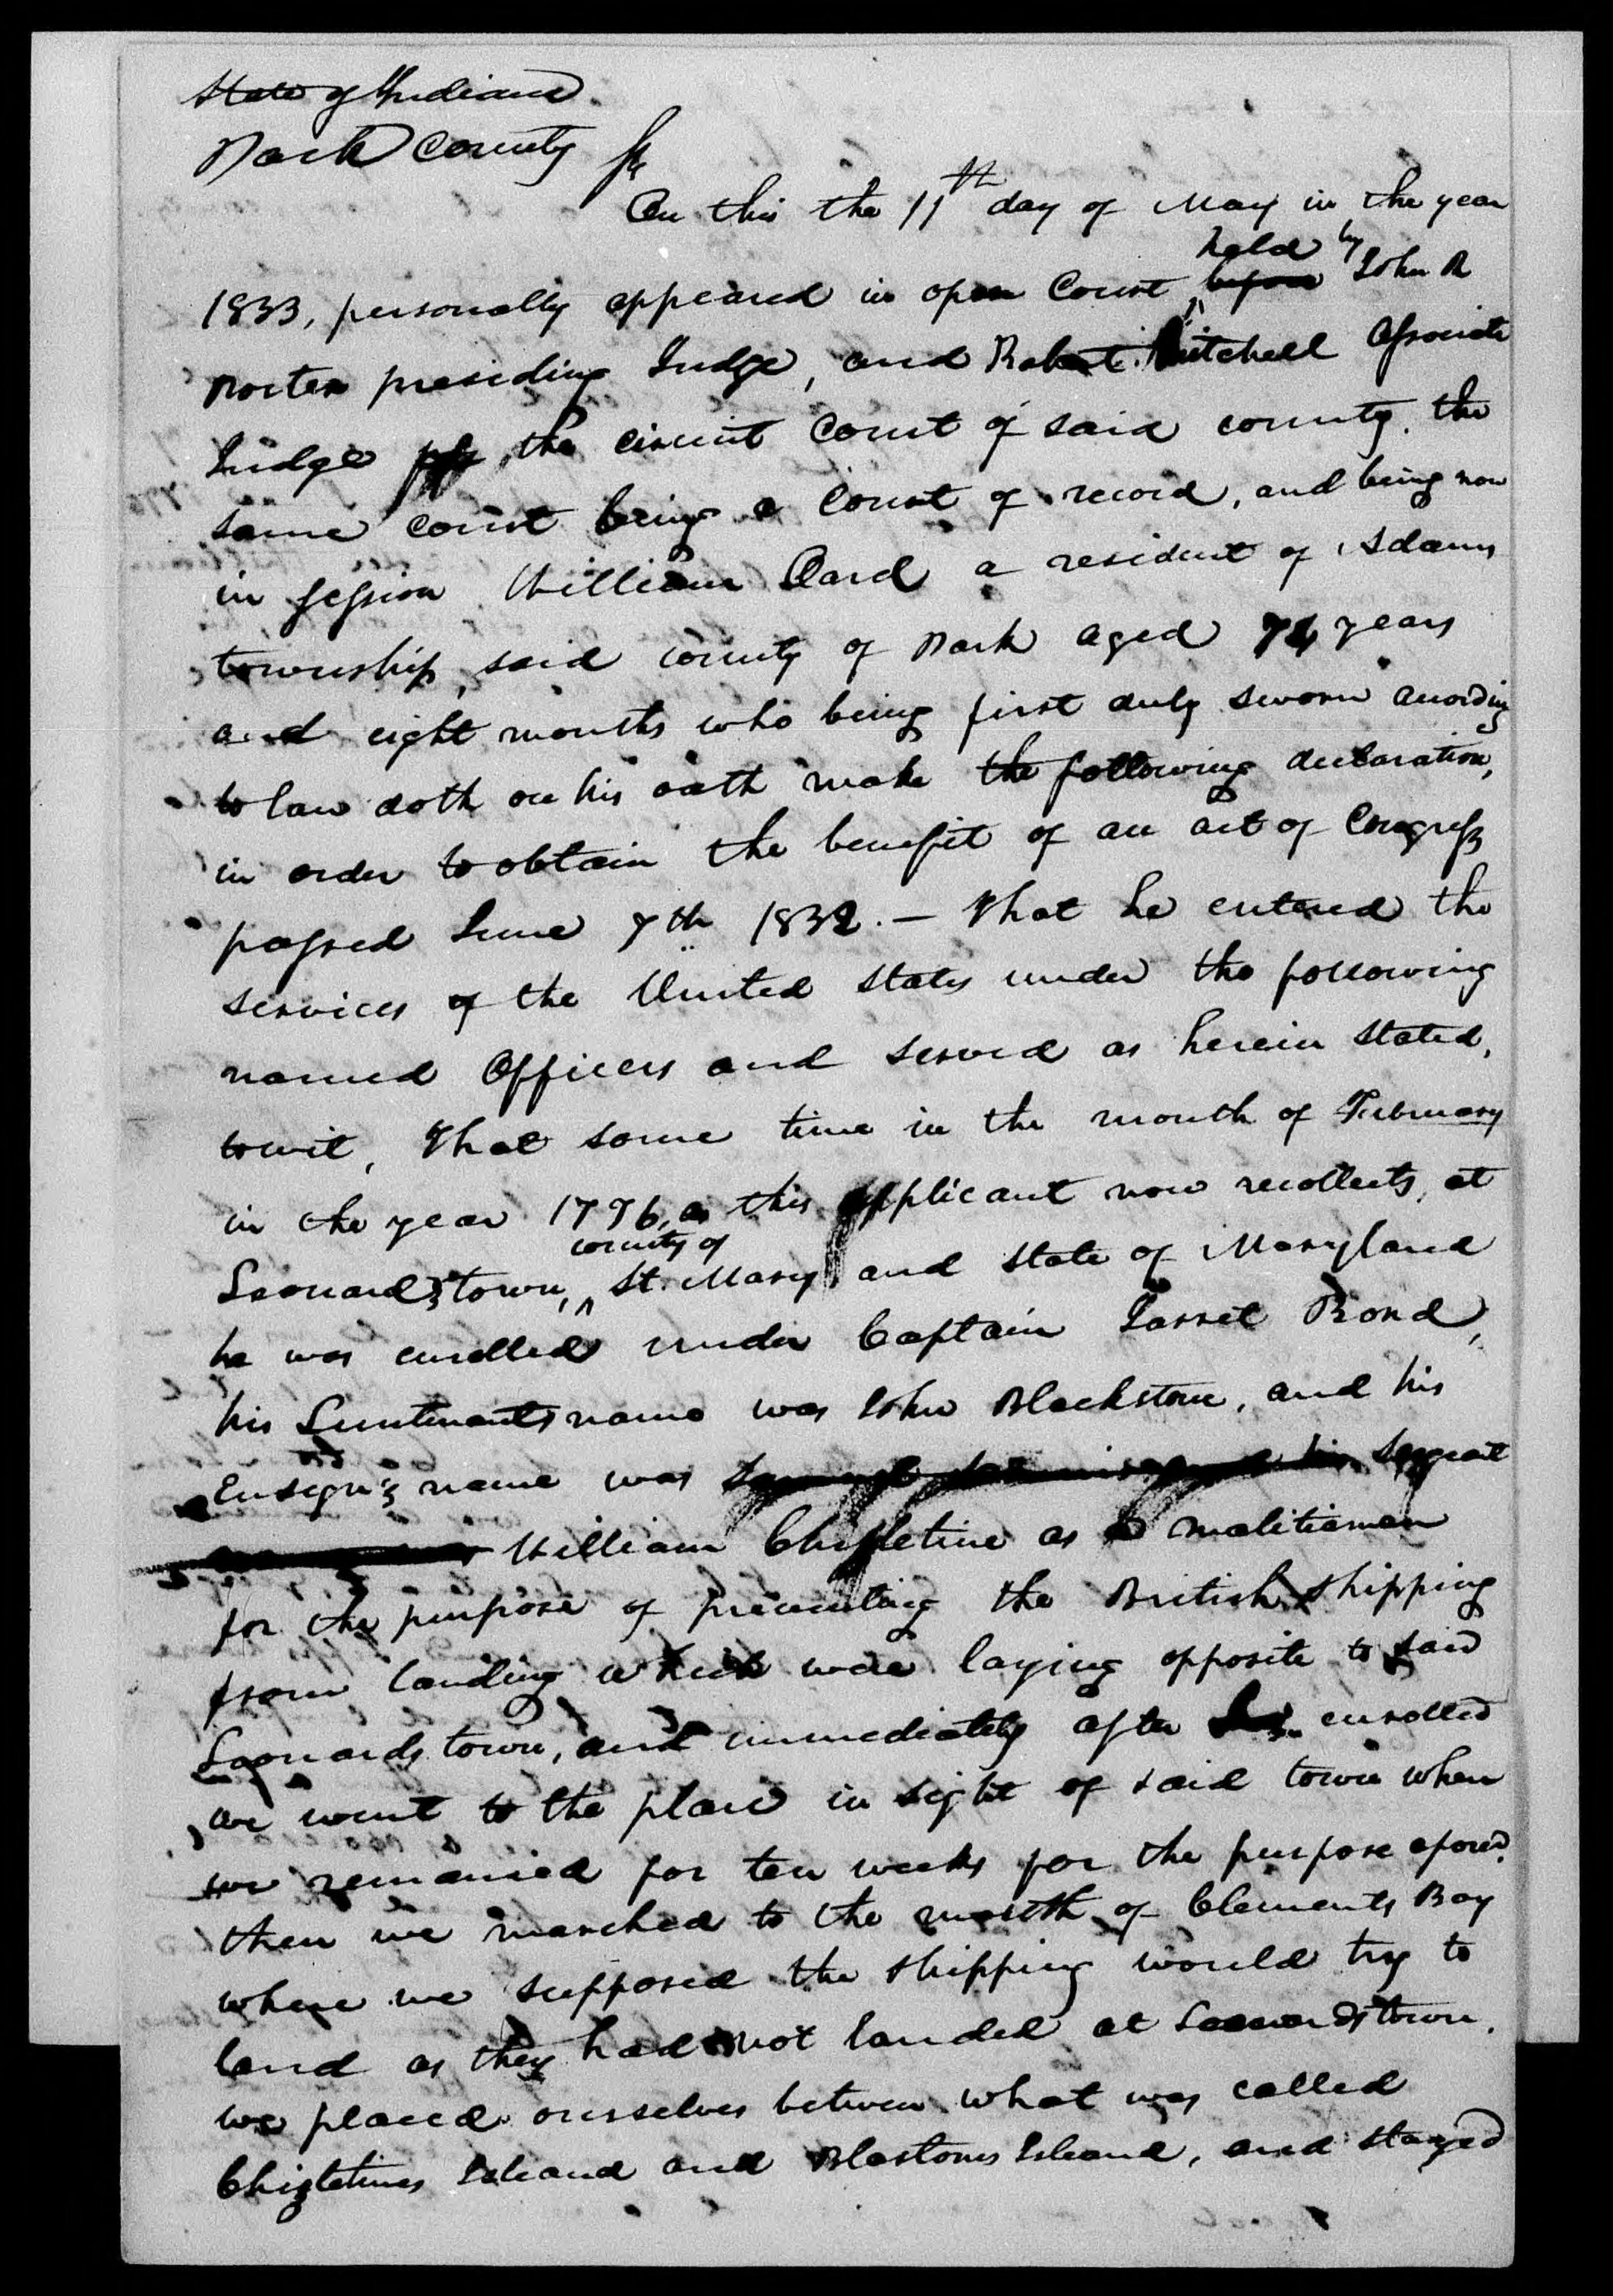State of Indiana
Park County

On this the 11th day of May in the year 1833 personally appeared in open court  held by John R Norton presiding judge and Robert Mitchell Associate Judge of the circuit court of said county the same court being a court of record, and being in session William Oard, a resident of Adams township, said county of York, aged 74 years and eight months who being first duly sworn according to law doth on his oath make the following declaration in order to obtain the benefit of an act of congress passed June 7th 1832 - that he entered the services of the United States under the following named officers and served as herein stated, to wit, that sometime in the month of February in the year 1776 as this applicant now recollects at Leonardtown, County of St Mary's and the state of Maryland he was enrolled under Captain Jarret Bond his Lieutenants name was John Blackstone and his Ensign's name was William Chisletine as a militiaman for the purpose of preventing the British shipping from landing which were laying opposite to said Leonardstown and immediately after he enrolled and went to the place in right of said town where he remained for ten weeks for the purpose aforesaid then we marched to the mouth of Clement Bay where we supposed the shipping would try to land as they have not landed at Leonardstown. We placed ourselves between what was called Chizletines Island and [illegible] Island and staged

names: William Chisletine; Jarret Bond; William Oard; Robert Mitchell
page: 6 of 18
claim: survivor's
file: S. 16,496, for William Oard, Maryland